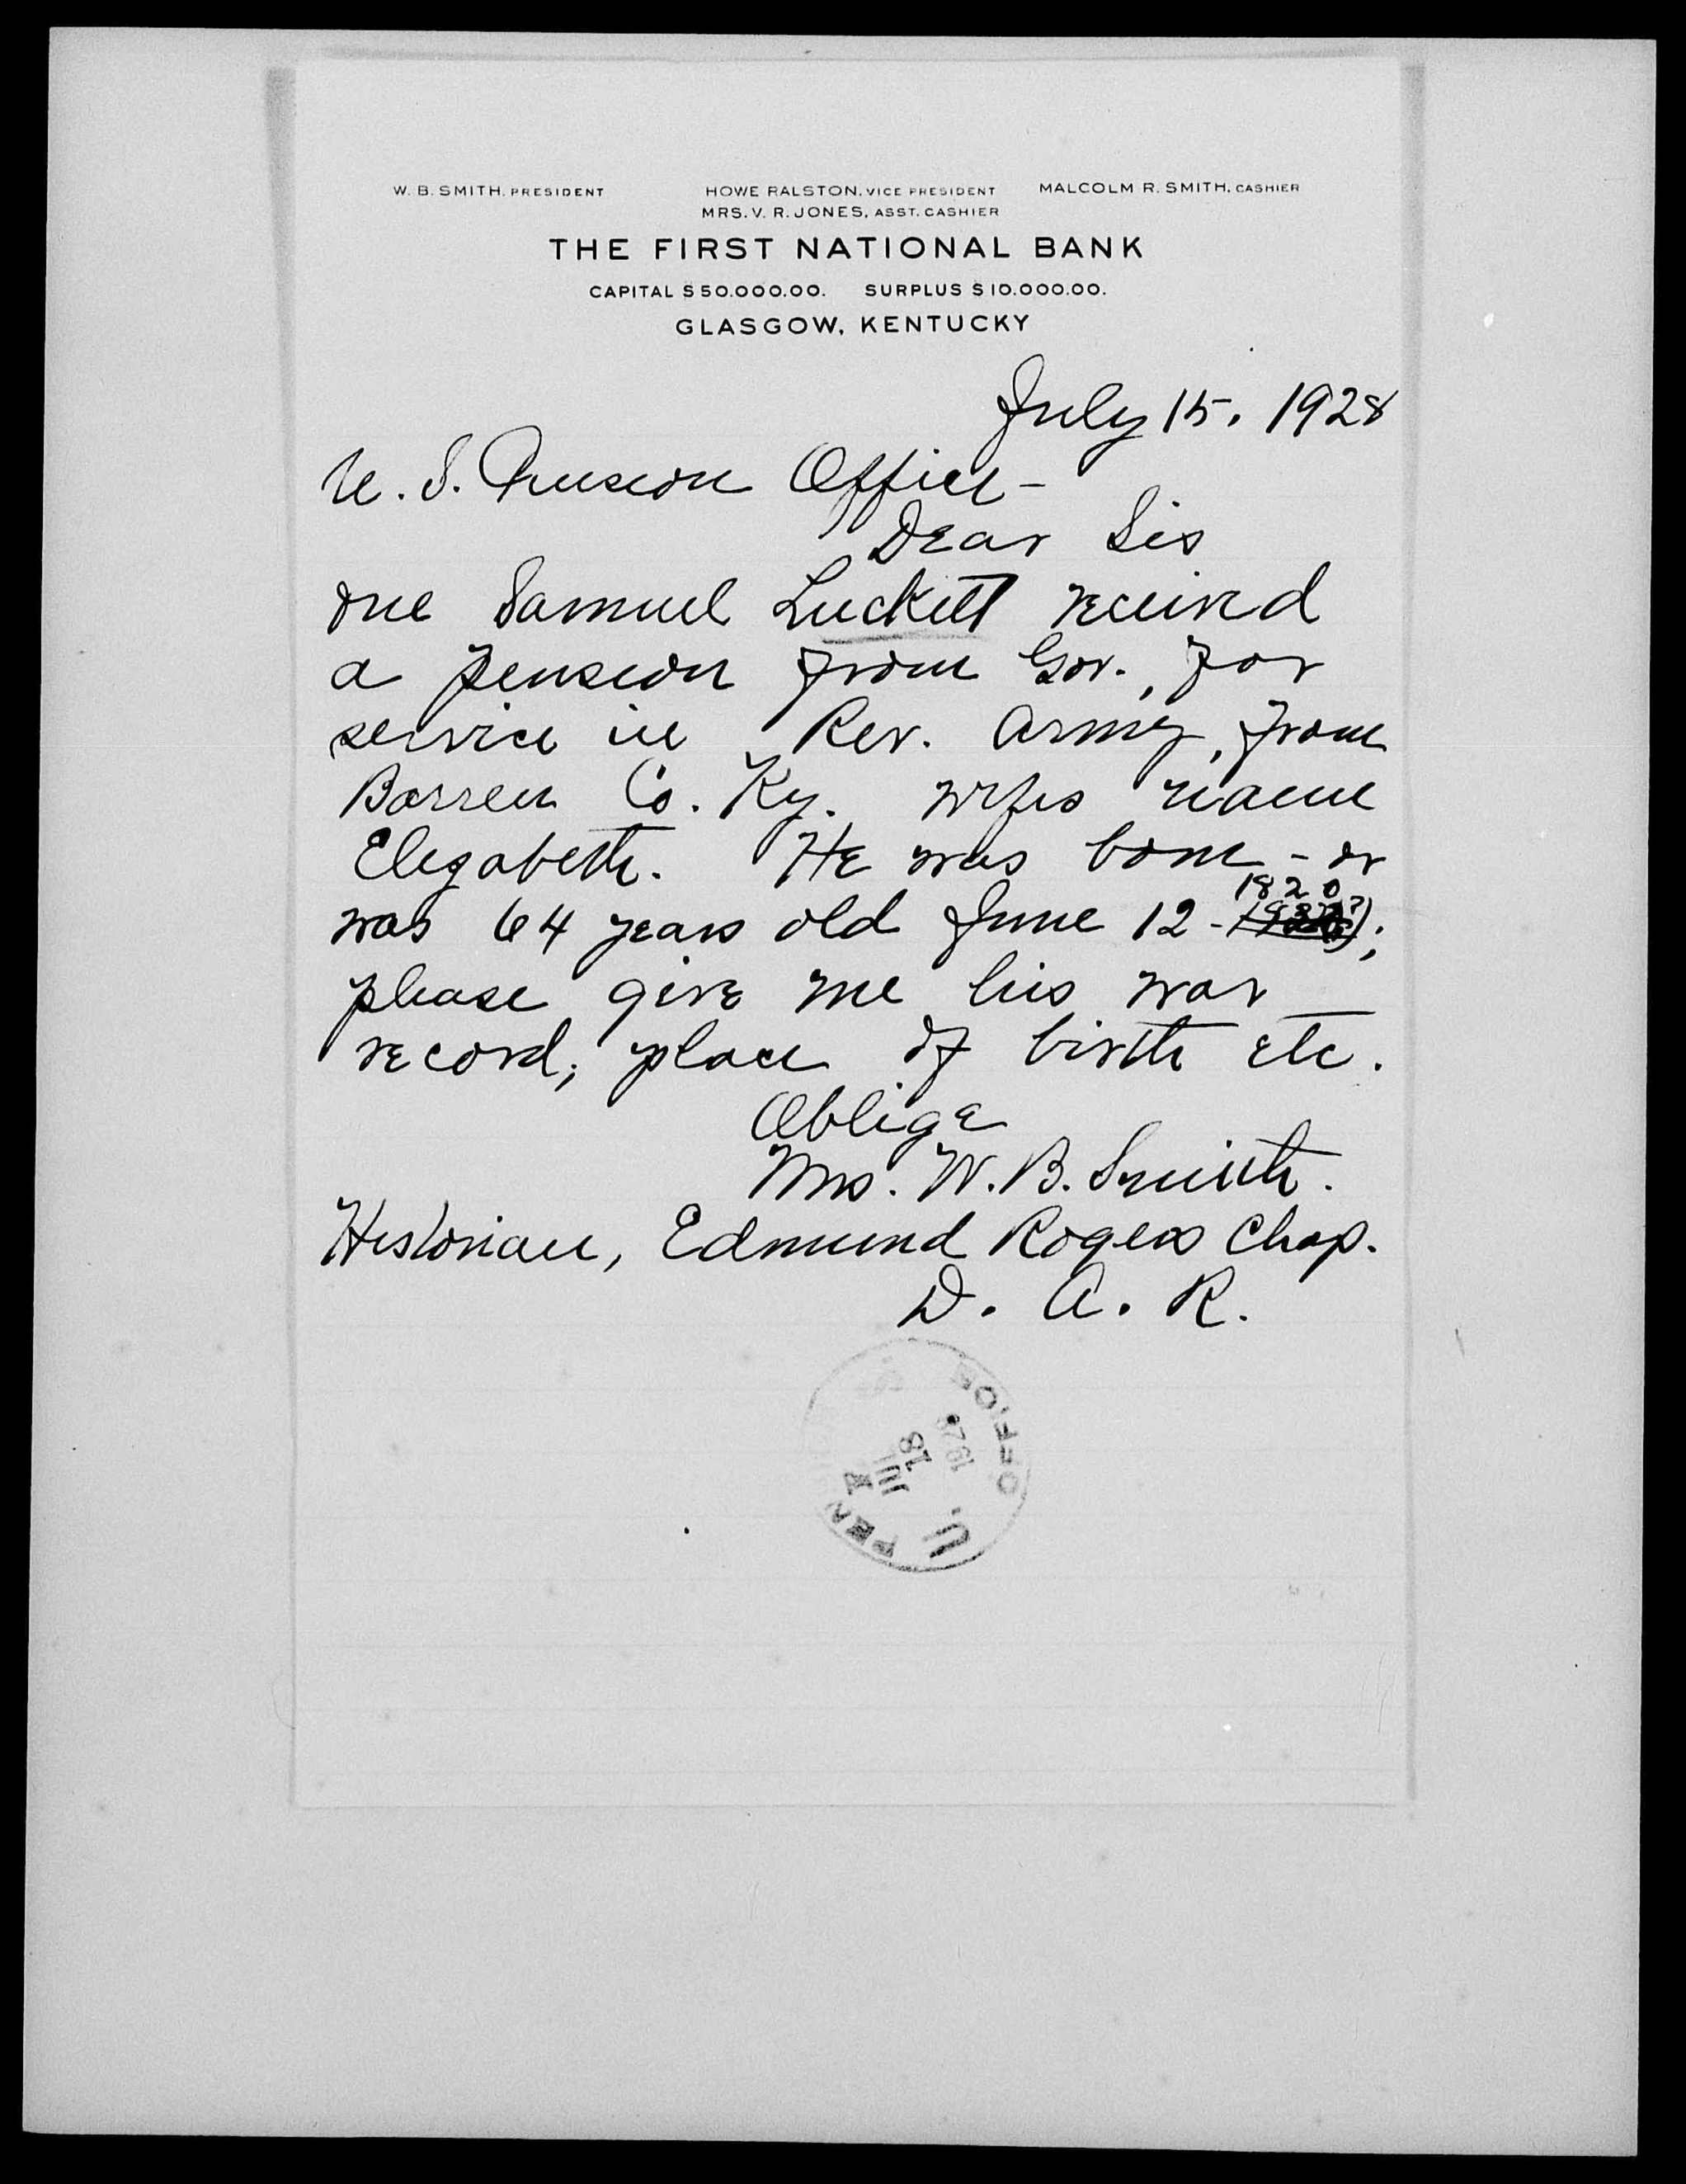LETTERHEAD

The First National Bank
Glasgow, Kentucky

July 15, 1928

U.S. Pension Office

Dear Sir

One Samuel Luckett received a pension from Gov for service in Rev army from Barren Co Ky. Wife's name Elizabeth. He was born or was 64 years old June 12, 1820. Please give me his war record, place of birth etc.

Oblige

Mrs. W.B. Smith
Historian, Edmund Rogers Chap D.A.R.

US PENSION OFFICE STAMP - Jul 18, 1928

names: Elizabeth [BLANK]; Howe Ralston; Malcolm R Smith; V R Jones; W B Smith; Samuel Luckett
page: 16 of 34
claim: survivor's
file: S. 36,051, for Samuel Luckett, Maryland